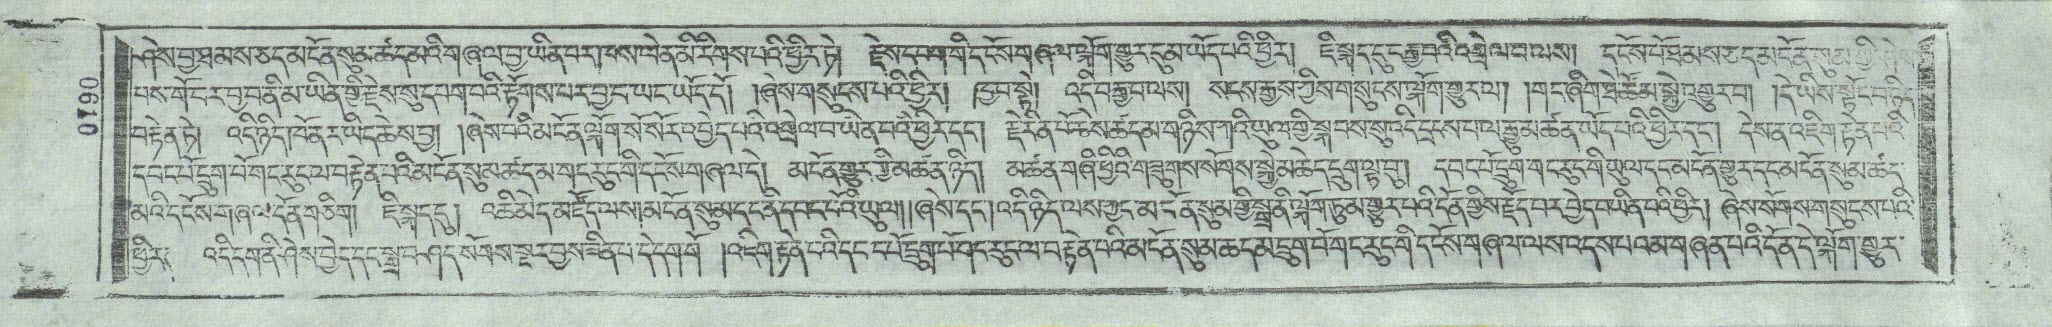ཤེས་བྱ་ཐམས་ཅད་མངོན་སུམ་ཚད་མའི་གཞལ་བྱ་ཡིན་པར་ཁས་ལེན་མི་རིགས་པའི་ཕྱིར་ཏེ། རྗེས་དཔག་གི་དངོས་གཞལ་ལྐོག་གྱུར་དུ་མ་ཡོད་པའི་ཕྱིར། ཇི་སྐད་དུ་བརྒྱ་བའི་འགྲེལ་བ་ལས། དངོས་པོ་ཐམས་ཅད་མངོན་སུམ་གྱི་ཤེས་
པས་གོ་བར་བྱ་བ་ནི་མ་ཡིན་གྱི་རྗེས་སུ་དཔག་པའི་རྟོགས་པར་བྱ་བ་ཡང་ཡོད་དོ། །ཞེས་གསུངས་པའི་ཕྱིར། ཁྱབ་སྟེ། འདི་བརྒྱ་བ་ལས། སངས་རྒྱས་ཀྱིས་གསུངས་ལྐོག་གྱུར་ལ། །གང་ཞིག་ཐེ་ཚོམ་སྐྱེ་འགྱུར་བ། །དེ་ཡིས་སྟོང་བ་ཉིད་
བརྟེན་ཏེ། འདི་ཉིད་ཁོ་ནར་ཡིད་ཆེས་བྱ། །ཞེས་པའི་མངོན་ལྐོག་སོ་སོར་འབྱེད་པའི་འགྲེལ་བ་ཡིན་པའི་ཕྱིར་དང་། རྗེ་རིན་པོ་ཆེས་ཚད་མ་གཉིས་ཀའི་ཡུལ་གྱི་སྐབས་སུ་འདི་དྲངས་པ་ལ་རྒྱུ་མཚན་ཡོད་པའི་ཕྱིར་དང་། དེས་ན་འཇིག་རྟེན་པའི་
དབང་པོ་དྲུག་པོ་གང་རུང་ལ་བརྟེན་པའི་མངོན་སུམ་ཚད་མ་གང་རུང་གི་དངོས་གཞལ་དེ། མངོན་གྱུར་ཀྱི་མཚན་ཉིད། མཚན་གཞི་ཕྱིའི་གཟུགས་སོགས་སྐྱེ་མཆེད་དྲུག་ལྟ་བུ། དབང་པོ་དྲུག་གང་རུང་གི་ཡུལ་དང་མངོན་གྱུར་དང་མངོན་སུམ་ཚད་
མའི་དངོས་གཞལ་དོན་གཅིག། ཇི་སྐད་དུ། འཆི་མེད་མཛོད་ལས། མངོན་སུམ་དང་ནི་དབང་པོའི་ཡུལ། །ཞེས་དང་། འདི་ཉིད་ལས་ཀྱང་མངོན་སུམ་གྱི་སྒྲ་ནི་ལྐོག་ཏུ་མ་གྱུར་པའི་དོན་གྱིས་རྗོད་པར་བྱེད་བ་ཡིན་པའི་ཕྱིར། ཞེས་སོགས་གསུངས་པའི་
ཕྱིར༑ འདི་དག་ནི་ཤེས་བྱེད་དང་སྒྲ་བཤད་སོགས་སྔར་བྱས་ཟིན་པ་དེ་དག་གོ །འཇིག་རྟེན་པའི་དབང་པོ་དྲུག་པོ་གང་རུང་ལ་བརྟེན་པའི་མངོན་སུམ་ཆད་མ་དྲུག་པོ་གང་རུང་གི་དངོས་གཞལ་ལས་འདས་པའམ་གཞན་པའི་དོན་དེ་ལྐོག་གྱུར་